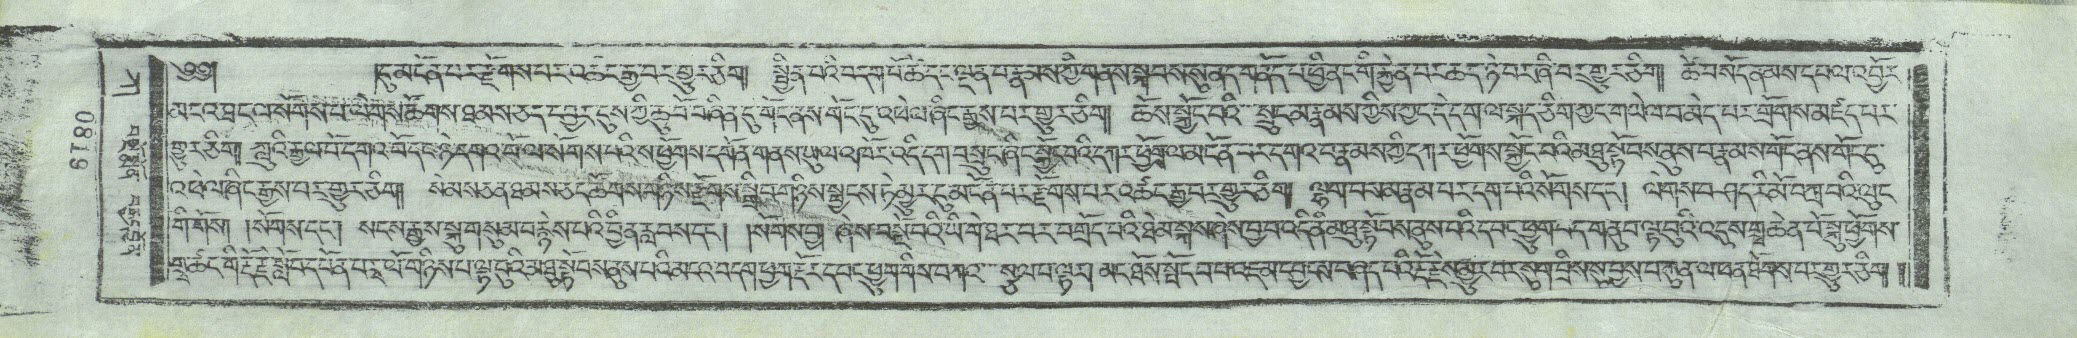༄༅། །དུ་མངོན་པར་རྫོགས་པར་འཚང་རྒྱ་བར་གྱུར་ཅིག །སྦྱིན་པའི་བདག་པོ་ཚེ་དང་ལྡན་པ་རྣམས་ཀྱི་གནས་སྐབས་སུ་ནད་གནོད་པ་ཕྱི་ནང་གི་རྐྱེན་བར་ཆད་ཉེ་བར་ཞི་བར་གྱུར་ཅིག །ཚེ་བསོད་ནམས་དཔལ་འབྱོར་
མངའ་བྲང་ལ་སོགས་པ་ལེགས་ཚོགས་ཐམས་ཅད་དབྱར་དུས་ཀྱི་ཆུ་བོ་བཞིན་དུ་གོང་ནས་གོང་དུ་འཕེལ་ཞིང་རྒྱས་པར་གྱུར་ཅིག །ཆོས་སྐྱོང་བའི་སྲུང་མ་རྣམས་ཀྱིས་ཀྱང་དེ་དག་ལ་སྐད་ཅིག་ཀྱང་གཡེལ་བ་མེད་པར་གྲོགས་མཛད་པར་
གྱུར་ཅིག །ཀླུའི་རྒྱལ་པོ་དགའ་བོ་དང་ཉེ་དགའ་པོ་ལ་སོགས་པའི་ས་ཕྱོགས་དགོན་གནས་ཡུལ་འཁོར་འདི་དག་བསྲུང་ཞིང་སྐྱོང་བའི་དཀར་ཕྱོགས་ལ་མངོན་པར་དགའ་བ་རྣམས་ཀྱི་དཀར་ཕྱོགས་སྐྱོང་བའི་མཐུ་སྟོབས་ནུས་པ་རྣམས་གོང་ནས་གོང་དུ་
འཕེལ་ཞིང་རྒྱས་པར་གྱུར་ཅིག །སེམས་ཅན་ཐམས་ཅད་ཚོགས་གཉིས་རྫོགས་སྒྲིབ་གཉིས་སྦྱངས་ཏེ་མྱུར་དུ་མངོན་པར་རྫོགས་པར་འཚང་རྒྱ་བར་གྱུར་ཅིག །ལྷག་བསམ་རྣམ་པར་དག་པའི་སོགས་དང་། ལེགས་བཤད་རི་མོ་བཀྲ་བའི་ལུང་
གི་གོས། །སོགས་དང་། སངས་སྐུ་གསུམ་བརྙེས་པའི་བྱིན་རླབས་དང་། །སོགས་བུ། ཞེས་བསྔོ་བའི་ཡི་གེ་ཐར་བར་བགྲོད་པའི་ཐེམ་སྐས་ཞེས་བྱ་བ་འདི་ནི་མཐུ་སྟོབས་ནུས་པའི་དབང་ཕྱུག་བདག་ནུབ་ལྟ་བུའི་འདུས་གྲྭ་ཆེན་པོ་སྐུ་ཕྱོགས་
གྲྭ་ཚང་གི་རྡོ་རྗེ་སློབ་དཔོན་པ་རྭ་ལོ་གཉིས་པ་ལྟ་བུའི་མཐུ་སྟོབས་ནུས་པའི་མངའ་བདག་ཕྱག་རྡོར་དབང་ཕྱུག་གིས་བཀའ་སྩལ་པ་ལྟར། མང་ཐོས་སྤོང་བ་པ་འཇམ་དབྱངས་བཞད་པའི་རྡོ་རྗེས་མྱུར་བར་སུག་བྲིས་སུ་བྱས་པ་ཀུན་ལ་ཕན་ཐོགས་པར་གྱུར་ཅིག།། །།